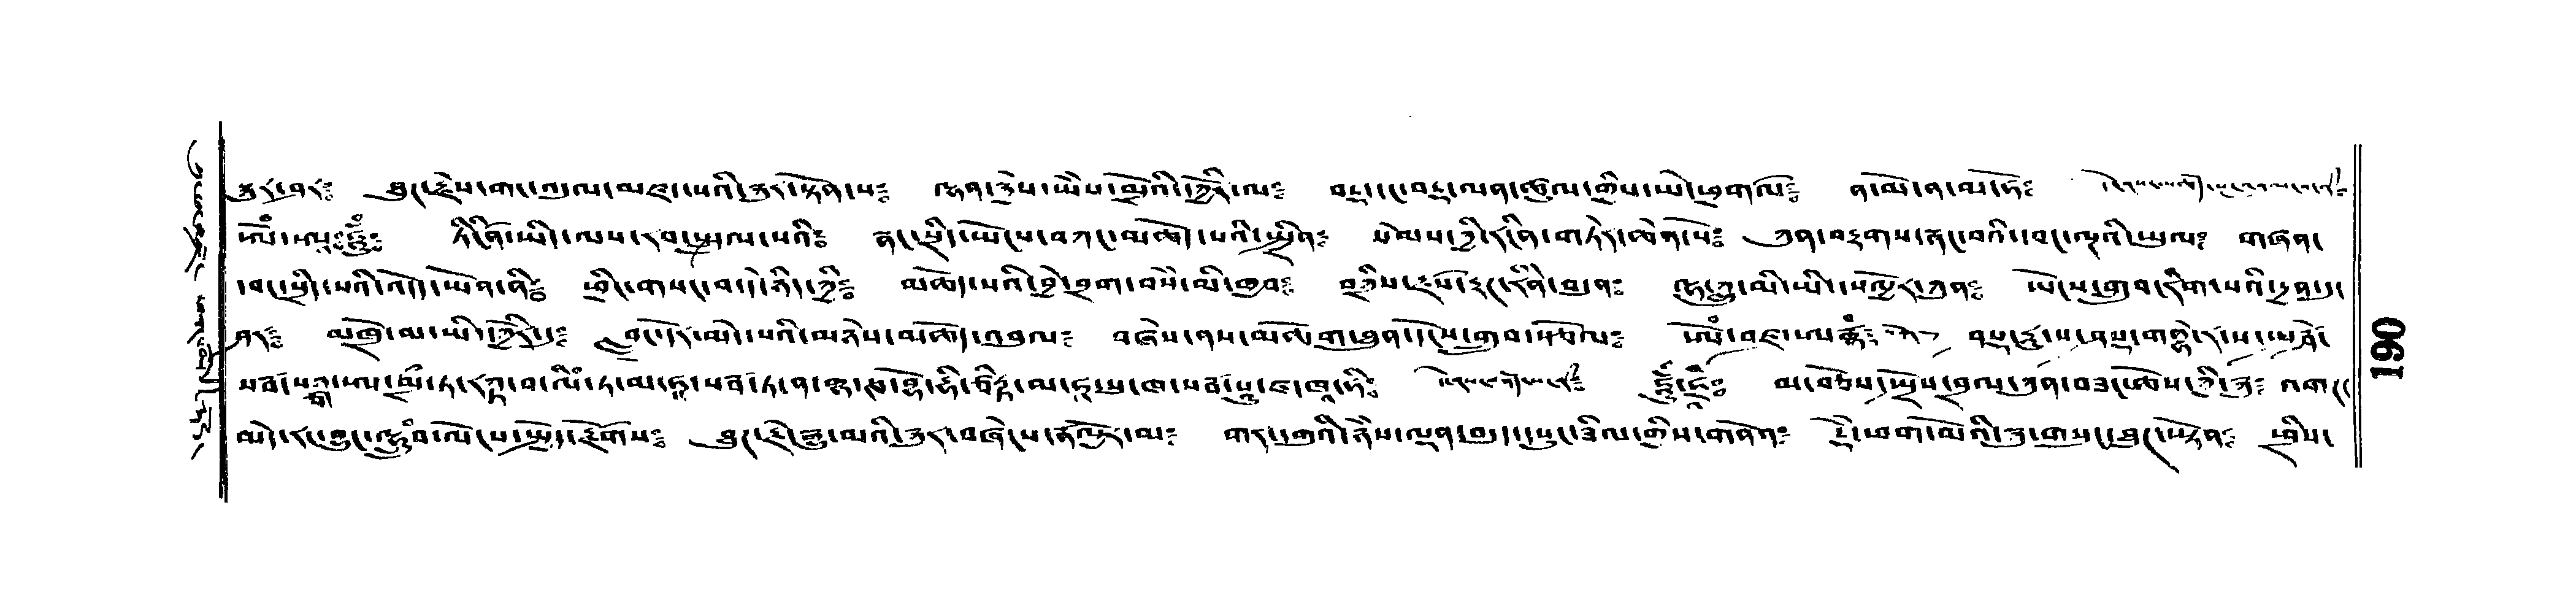སྐུར་ཤར༔ ཐུགས་རྗེས་གང་འདུལ་མཛད་པའི་སྐུར་སྟོན་པ༔ ལྷན་སྐྱེས་ཡེ་ཤེས་མཁའ་འགྲོའི་དཀྱིལ་འཁོར་ལ༔ བརྡ་དང་བརྡ་ལན་ཚུལ་གྱིས་ཡེ་ཕྱག་འཚལ༔ ན་མོ་ན་མ་ཧོཿ དེ་ནས་མཆོད་པ་འབུལ་བ་ནི༔ 
ཨོཾ་ཨཱཿཧཱུྃ༔ ཏིང་འཛིན་ཡིད་ལས་རབ་སྤྲུལ་པའི༔ སྣང་སྲིད་ཡོངས་བཀང་མཆོད་པའི་སྤྲིན༔ སེམས་ཀྱི་རང་བཞིན་གཏེར་ཆེན་པོ༔ ཀུན་བརྟགས་སྣང་བའི་དབང་ལྔའི་ཡུལ༔ གཞན་
དབང་སྲིད་པའི་འདོད་ཡོན་ནི༔ཕྱི་ནང་གསང་བ་དེ་ཉིད་ཀྱི༔ མཆོད་པའི་བྱེ་བྲག་བསམ་མི་ཁྱབ༔ བཀྲ་ཤིས་རྫས་རྟགས་རིན་ཆེན་བདུན༔ ལྷ་ཀླུ་མི་ཡི་དཔལ་འབྱོར་ཀུན༔ ཡོངས་གྲུབ་རིག་པའི་རྒྱན་དུ་
ཤར༔ མཁའ་འགྲོ་མ་ཡི་དཀྱིལ་འཁོར་དུ༔ བླང་དོར་མེད་པའི་མཉེས་མཆོད་འབུལ༔ བཞེས་ནས་མཆོག་ཐུན་དངོས་གྲུབ་སྩོལ༔ ཨོཾ་བཛྲ་ཨརྒྷཾ་སོགས༔ ཤཔྡ་རཱུ་པ་ཤཔྡ་གནྡྷེ་ར་ས་སྤརྴེ་
སརྦ་པཉྩ་ཨ་མྲྀ་ཏ་རཀྟ་བ་ལིཾ་ཏ་མ་ཧཱ་སརྦ་ཏ་ན་གྷ་ཎ་བྷོ་དྷི་ཙིཏྟ་མ་ཧཱ་སུ་ཁ་སརྦ་པཱུ་ཛ་ཁཱ་ཧིཿ དེ་ནས་བསྟོད་པ་ནི༔ ཧཱུྃ་ཧྲཱིཿ མ་བཅོས་སྤྲོས་བྲལ་ཀུན་བཟང་ཆོས་ཀྱི་སྐུ༔ འགགས་
མེད་རང་བྱུང་ལྷུན་གྲུབ་ལོངས་སྤྱོད་རྫོགས༔ ཐུགས་རྗེ་སྒྱུ་མའི་སྐུར་བཞེངས་རྣལ་འབྱོར་མ༔ གར་དགུའི་ཉམས་ལྡན་བདུད་དཔུང་ཟིལ་གྱིས་གནོན༔ རྡོ་རྗེ་ཕག་མོའི་སྐུ་གསུང་ཐུགས་ཡོན་ཏན༔ ཕྲིན་ལས་